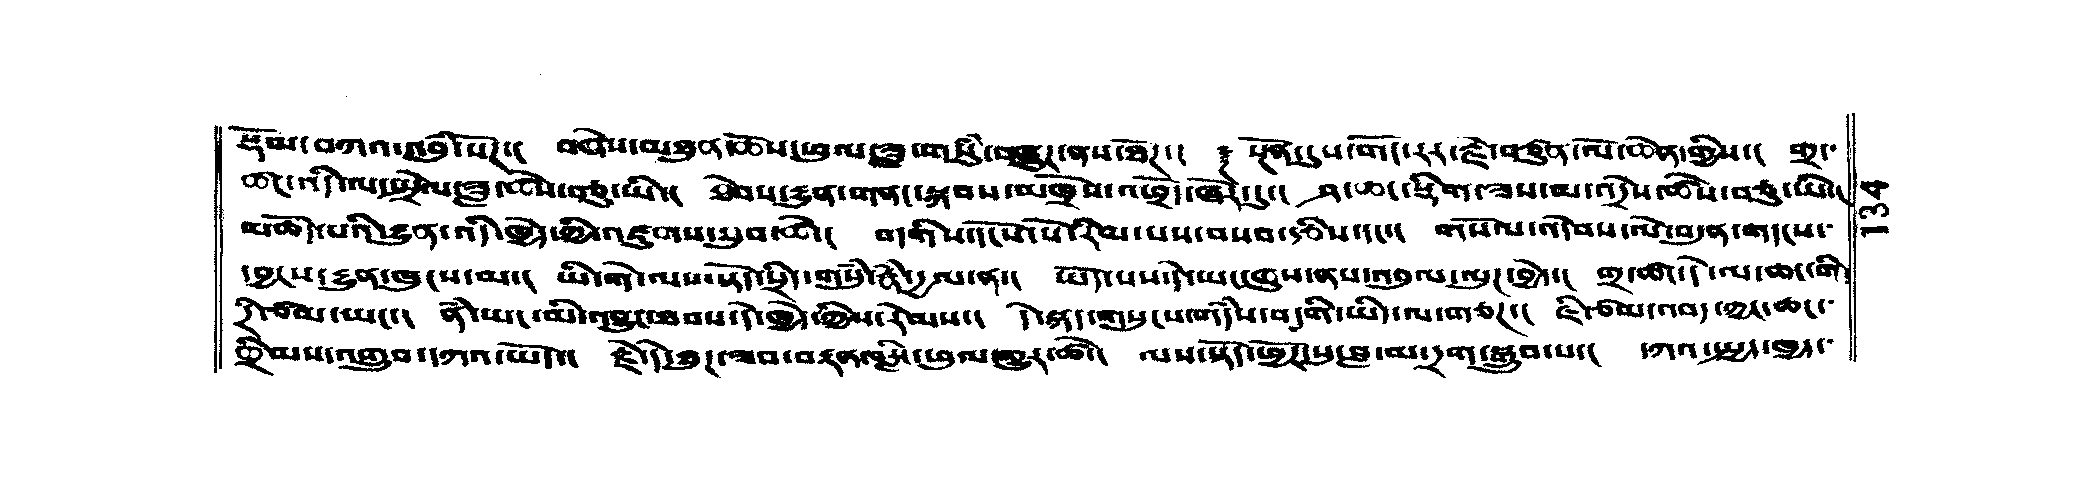སྡོམ་བཀའ་འབུམ་སོགས། །བཞེད་མཐུན་ཆོས་ཕུལ་ཟླ་གསུམ་བཞུགས་ནས་ཐེགས། །སྔོན་དུས་གོང་རར་རྗེ་བཙུན་ལོ་ཆེན་གྱིས། །གྲྭ་
ཚང་འདི་ལ་སྤྲེལ་ཟླ་ཚེས་བཅུ་ཡི། །ཐེབས་རྒྱུན་གནང་སྐབས་མཁའ་འགྲོས་འཕྲོས་ཁོར་དུ། །ཤ་ཅང་སྡིག་ཟས་མ་འདྲེས་ཚེས་བཅུ་ཡི། །
མཆོད་པའི་རྒྱུན་འདི་ཁྱེད་ཀྱི་འཛུགས་ཐུབ་ཚེ། །བདག་གིས་དངོས་པོ་རིམ་པས་བསབ་རྩིས་དང་། །གསོལ་འདེབས་ལེའུ་བདུན་གདངས་
དབྱངས་རྒྱུན་ཁུངས་མ། །ཡི་གེ་ལ་སྟོད་སྲིད་གསུམ་རྣམ་རྒྱལ་ན། །ཡོད་པས་དེ་ཡང་ཞུས་ནས་འབུལ་ལུགས་བྱེད། །གྲྭ་ཚང་དེ་ལ་ཆང་གི་
དྲི་ཙམ་ཡང་། །ནམ་ཡང་མི་འབྱུང་ཐབས་དེ་ཁྱེད་ཀྱིས་རེམས། །དེ་སྐད་གསུངས་གདམས་བདག་གི་ཡིད་ལ་གཅགས། །ཇི་ཙམ་འབད་ཀྱང་ཆང་
ཁྲིམས་འགྲུབ་དཀའ་མོད། །རྗེ་དེ་ཐུགས་ཟབ་བརྟན་བརླིང་ཕུལ་གྱུར་ཚེ། །ལ་སྟོད་ཕྱོགས་སུ་བླ་མ་དྲག་སྒྲུབ་པ། །དཀའ་སྤྱད་ཁྱད་